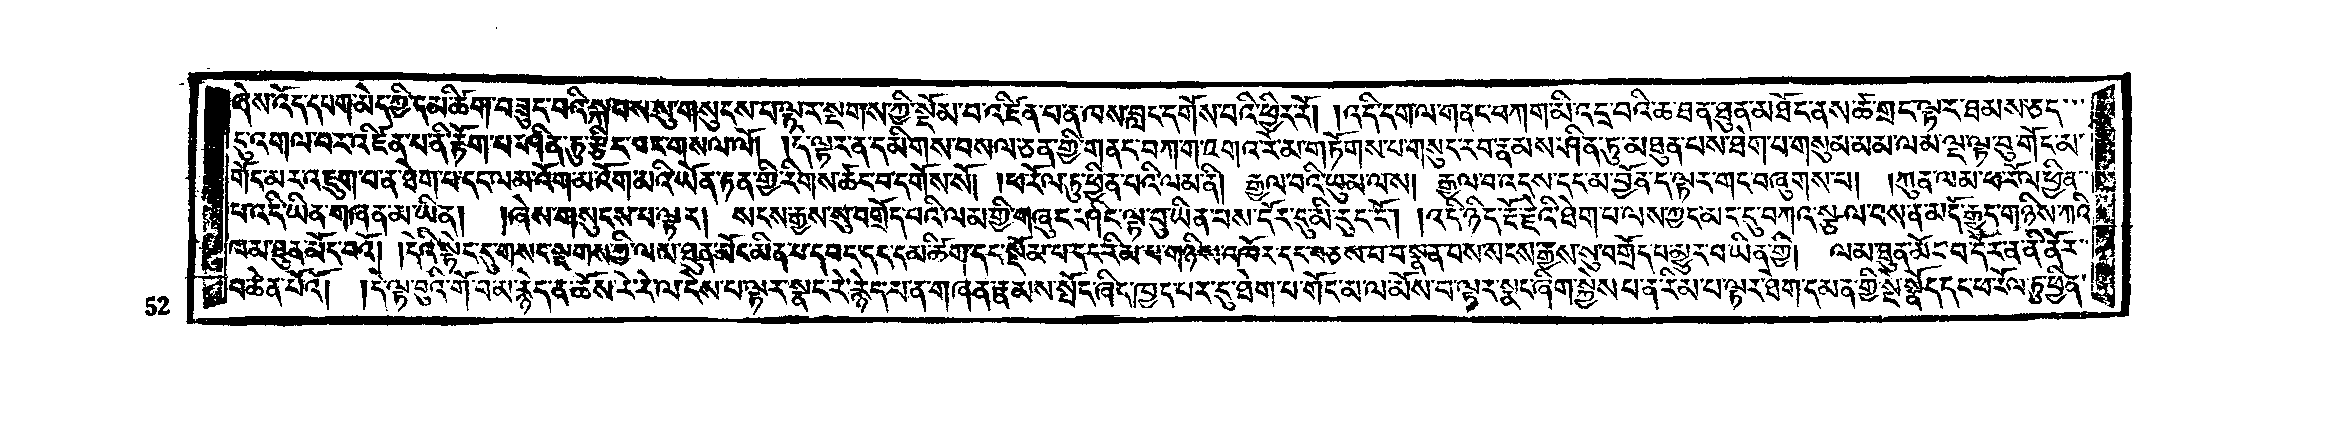ཞེས་འོད་དཔག་མེད་ཀྱི་དམ་ཚིག་བཟུང་བའི་སྐབས་སུ་གསུངས་པ་ལྟར་སྔགས་ཀྱི་སྡོམ་པ་འཛིན་པ་ན་ཁས་བླང་དགོས་པའི་ཕྱིར་རོ། །འདི་དག་ལ་གནང་བཀག་མི་འདྲ་བའི་ཆ་ཐན་ཐུན་མཐོང་ནས་ཚ་གྲང་ལྟར་ཐམས་ཅད་
དུ་འགལ་བར་འཛིན་པ་ནི་རྟོག་པ་ཤིན་ཏུ་རྩིང་བར་གསལ་ལོ། །དེ་ལྟར་ན་དམིགས་བསལ་ཅན་གྱི་གནང་བཀག་འགའ་རེ་མ་གཏོགས་པ་གསུང་རབ་རྣམས་ཤིན་ཏུ་མཐུན་པས་ཐེག་པ་གསུམ་མམ་ལམ་ལྔ་ལྟ་བུ་གོང་མ་
གོང་མར་འཇུག་པ་ན་ཐེག་པ་དང་ལམ་འོག་མ་འོག་མའི་ཡོན་ཏན་གྱི་རིགས་ཚང་བ་དགོས་སོ། །ཕ་རོལ་ཏུ་ཕྱིན་པའི་ལམ་ནི། རྒྱལ་བའི་ཡུམ་ལས། རྒྱལ་བ་འདས་དང་མ་བྱོན་ད་ལྟར་གང་བཞུགས་པ། །ཀུན་ལམ་ཕ་རོལ་ཕྱིན་
པ་འདི་ཡིན་གཞན་མ་ཡིན། །ཞེས་གསུངས་པ་ལྟར། སངས་རྒྱས་སུ་བགྲོད་པའི་ལམ་གྱི་གཞུང་ཤིང་ལྟ་བུ་ཡིན་པས་དོར་དུ་མི་རུང་ངོ། །འདི་ཉིད་རྡོ་རྗེའི་ཐེག་པ་ལས་ཀྱང་མང་དུ་བཀའ་སྩལ་པས་ན་མདོ་རྒྱུད་གཉིས་ཀའི་
ལམ་ཐུན་མོང་བའོ། །དེའི་སྟེང་དུ་གསང་སྔགས་ཀྱི་ལམ་ཐུན་མོང་མིན་པ་དབང་དང་དམ་ཚིག་དང་སྡོམ་པ་དང་རིམ་པ་གཉིས་འཁོར་དང་བཅས་པ་བསྣན་པས་སངས་རྒྱས་སུ་བགྲོད་པ་མྱུར་བ་ཡིན་གྱི། ལམ་ཐུན་མོང་བ་དོར་ན་ནི་ནོར་
བ་ཆེན་པོའོ། །དེ་ལྟ་བུའི་གོ་བ་མ་རྙེད་ན་ཆོས་རེ་རེ་ལ་ངེས་པ་ལྟར་སྣང་རེ་རྙེད་པ་ན་གཞན་རྣམས་སྤོང་ཞིང་ཁྱད་པར་དུ་ཐེག་པ་གོང་མ་ལ་མོས་པ་ལྟར་སྣང་ཞིག་སྐྱེས་པ་ན་རིམ་པ་ལྟར་ཐེག་དམན་གྱི་སྡེ་སྣོད་དང་ཕ་རོལ་ཏུ་ཕྱིན་